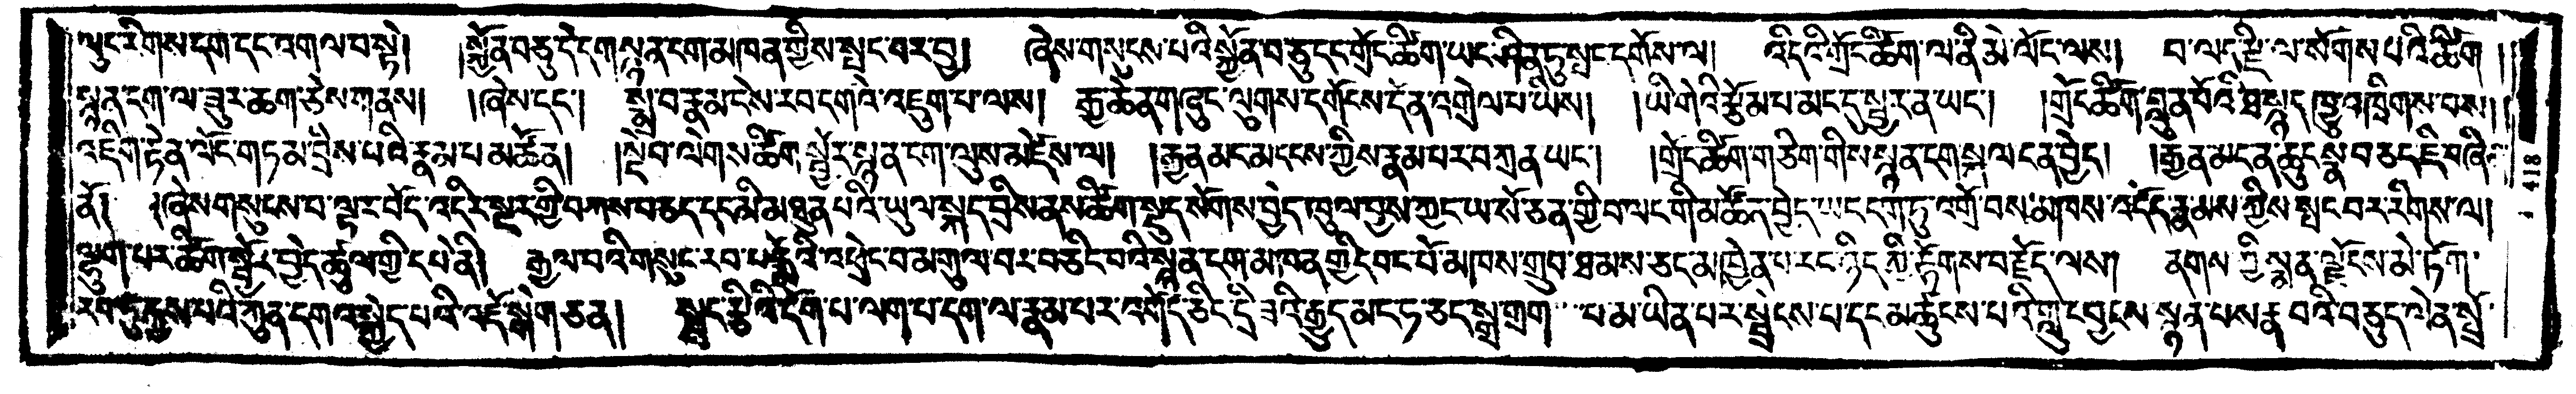ལུང་རིགས་དག་དང་འགལ་བསྟེ། །སྐྱོན་བཅུ་དེ་དག་སྙན་ངག་མཁན་གྱིས་སྤང་བར་བྱ། ཞེས་གསུངས་པའི་སྐྱོན་བཅུ་དང་གྲོང་ཚིག་ཡང་ཤིན་དུ་སྤང་དགོས་ལ། འདི་འི་གྲོང་ཚིག་ལ་ནི་མེ་ལོང་ལས། བ་ལང་རྫི་ལ་སོགས་པའི་ཚིག།
སྙན་དག་ལ་ཟུར་ཆག་ཅེས་གནས། །ཞེས་དང་། སྨྲ་བ་རྣམས་ངེས་རབ་དགའི་འཇུག་པ་ལས། རྒྱ་ཆེན་གཞུང་ལུགས་དགོངས་དོན་འགྲེལ་བ་ཡིས། །ཡི་གེའི་རྩོམ་པ་མང་དུ་སྦྱར་ན་ཡང་། །གྲོང་ཚིག་བླུན་པོའི་ཐ་སྙད་ཁྱུ་བ་ཁྲིགས་པས། །
འཇིག་རྟེན་ལོང་གཏམ་བྲིས་པའི་རྣམ་པ་མཚོན། །སྡེབ་ལེགས་ཚིག་སྦྱོར་སྙན་ངག་ལུས་མཛེས་ལ། །རྒྱན་མང་མདངས་ཀྱིས་རྣམ་པར་བཀྲན་ཡང་། །གྲོང་ཚིག་གཅིག་གིས་སྙན་དག་སྨལ?་ངན་བྱེད། །རྒྱན་མང་ན་ཆུང་སྣ་བཅད་ཇི་བཞིན་
ནོ། །ཞེས་གསུངས་པ་ལྟར་བོད་འདིར་ལྔར་གྱི་བཀས་བཅད་དང་མི་མཐུན་པའི་ཡུལ་སྐད་བྲིས་ནས་ཚིག་སྡུད་སོགས་བྱེད་ཁུལ་བྱས་ཀྱང་ཡ་སོ་ཅན་གྱི་བ་ལང་གི་མཚོན་བྱེད་ཡང་དག་ཏུ་འགྲོ་བས་མཁས་འདོད་རྣམས་ཀྱིས་སྤང་བར་རིགས་ལ།
ལྷུག་པར་ཚིག་སྦྱོར་བྱེད་ཚུལ་གྱི་དཔེ་ནི། རྒྱལ་བའི་གསུང་རབ་པདམོའི་འཕྲེང་བ་མགུལ་བར་བཅིང་བའི་སྙན་ངག་མཁན་གྱི་དབང་པོ་མཁས་གྲུབ་ཐམས་ཅད་མཁྱེན་པ་རང་ཉིད་ཀྱི་རྟོགས་བ་རྗོད་ལས། ནགས་ཀྱི་སྨན་ལྗོངས་མེ་ཏོག་
རབ་ཏུ་རྒྱས་པའི་ཀུན་དགའ་སྐྱེད་པའི་འཇོ་སྒེག་ཅན། སྦྲང་རྩིའི་དོག་པ་ལག་པ་དག་ལ་རྣམ་པར་འགོད་ཅིང་དྲི་ཟའི་རྒྱུད་མང་ཧ་ཅིང་སྒྲ་གྲག་པ་མ་ཡིན་པར་སྦྲེངས་པ་དང་མཚུངས་པའི་གླུ་དབྱངས་སྙན་པས་རྣ་བའི་བཅུད་ལེན་སྤྲོ་